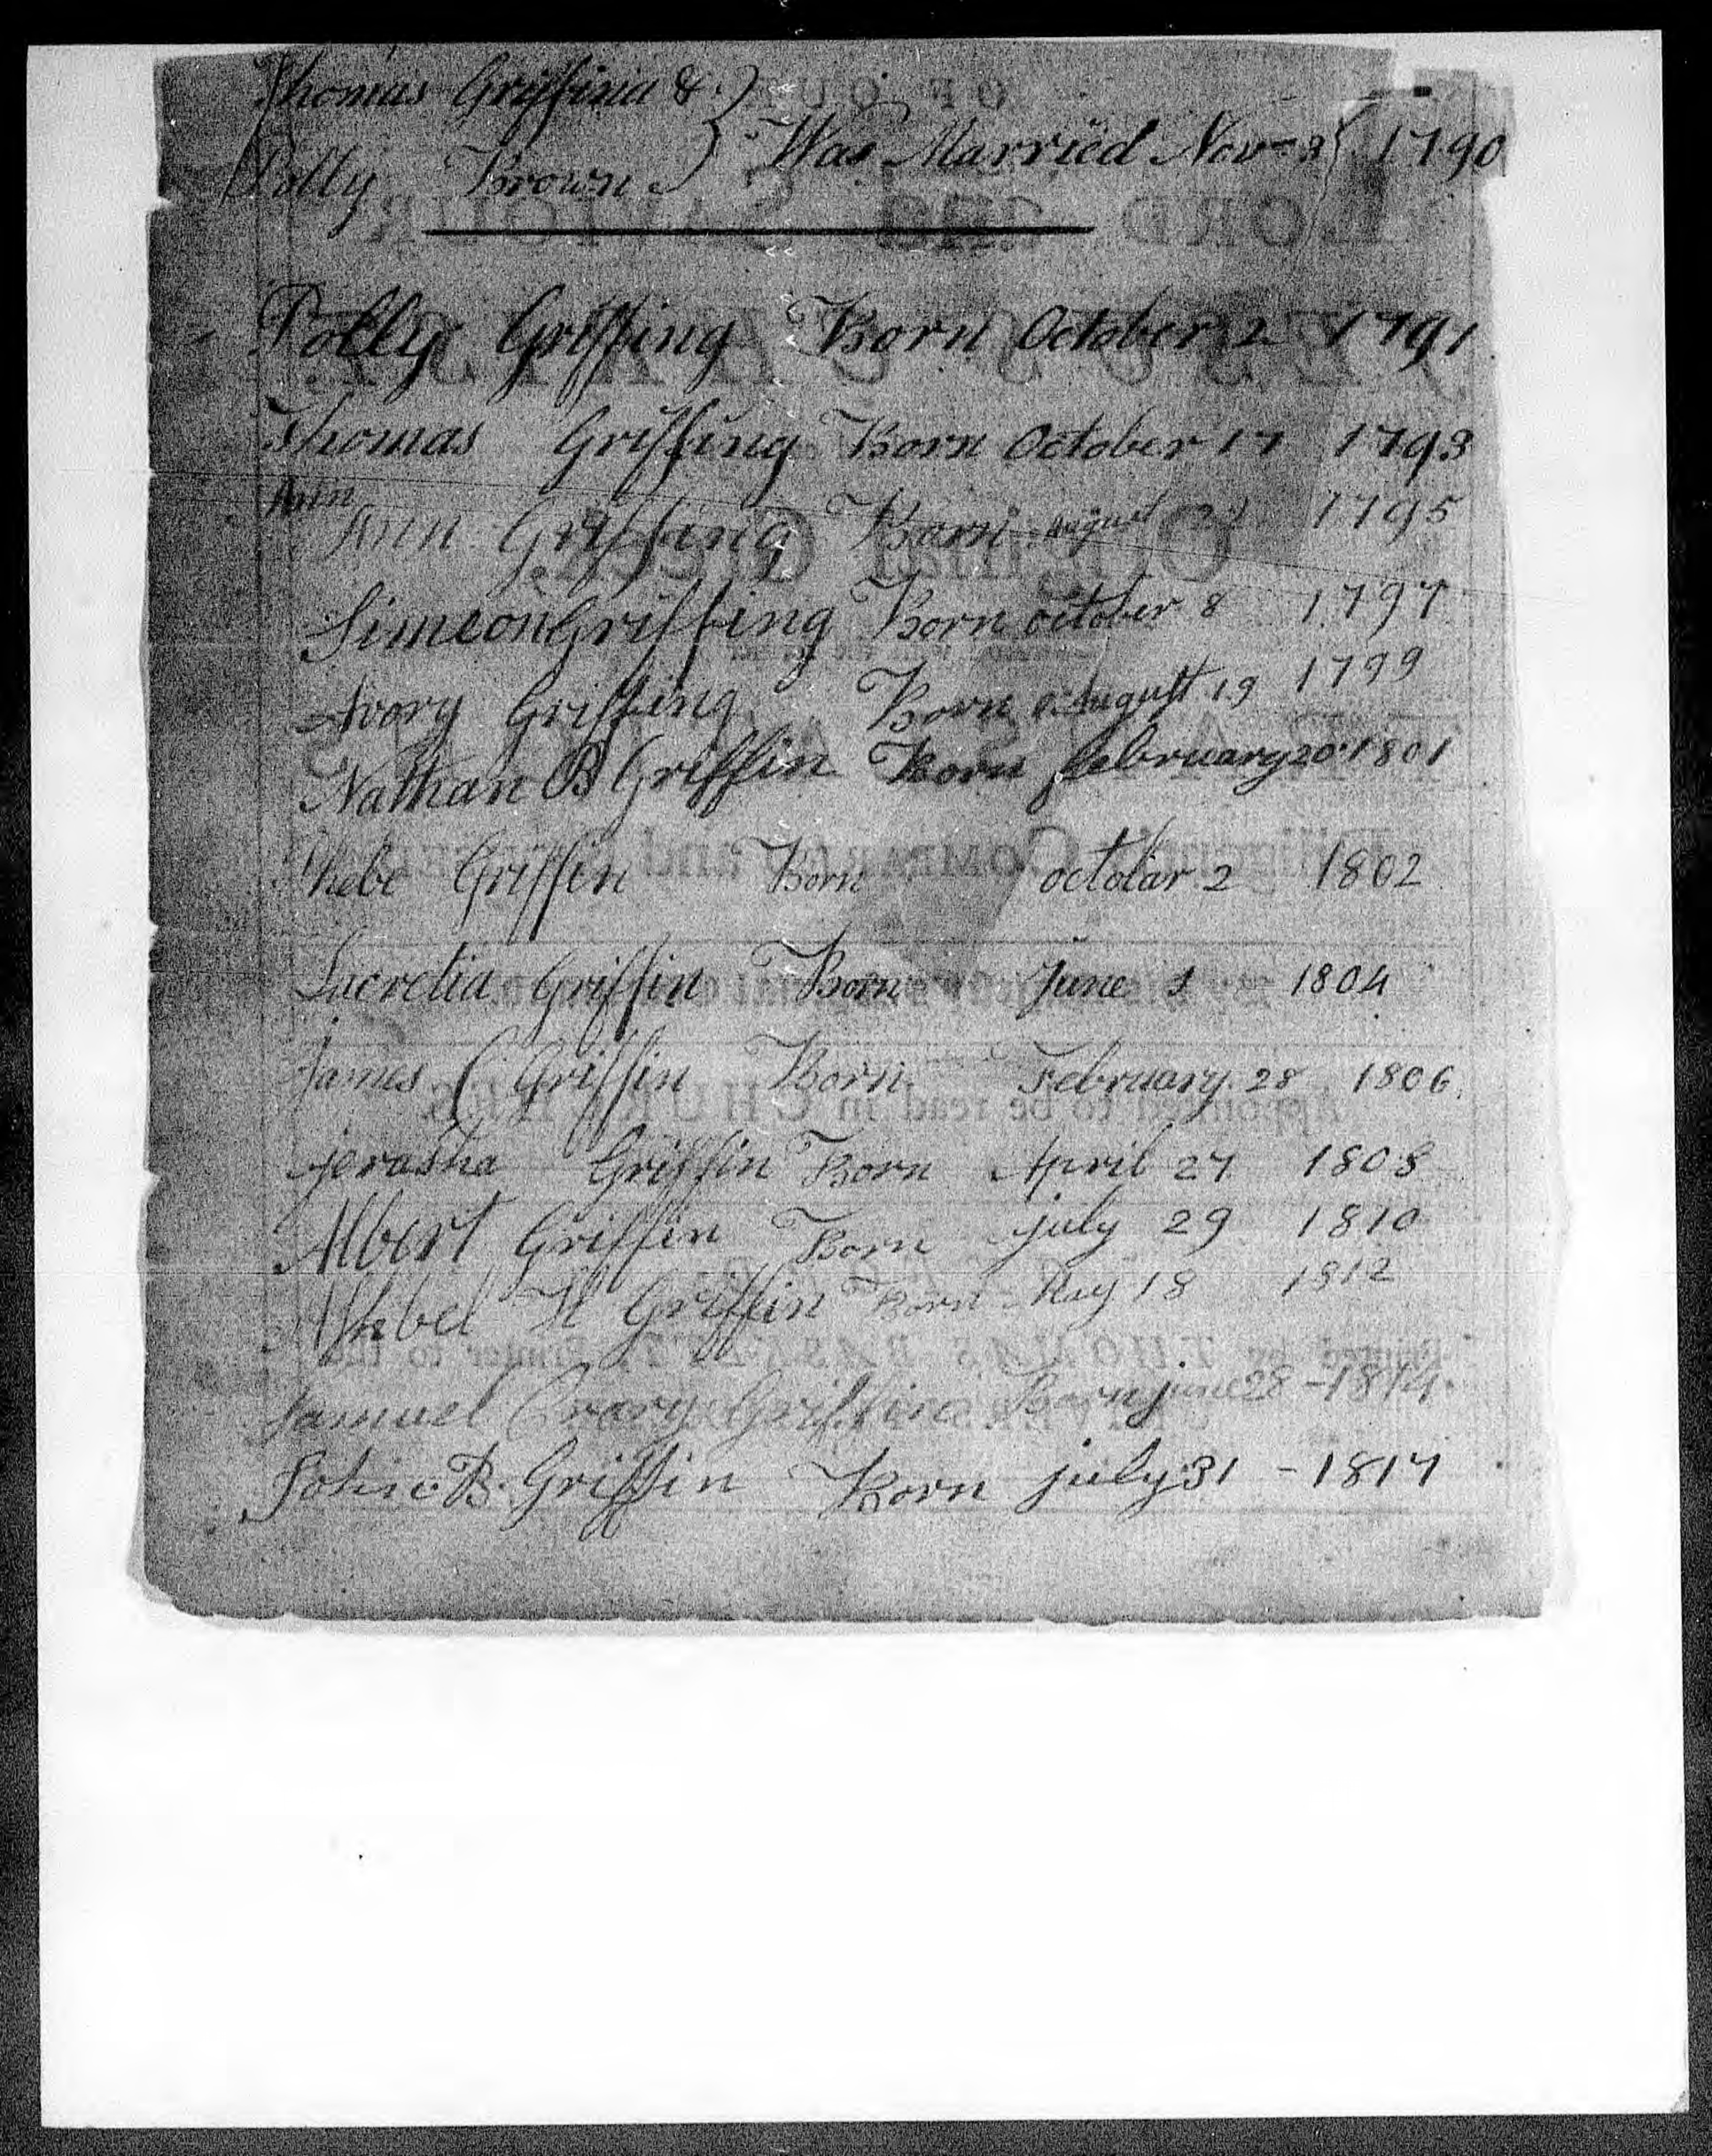Thomas Griffing & Polly Brown Was Married Nov 3 1790
Polly Griffing Born October 2 1791
Thomas Griffing Born October 17 1793
Ann Ann Griffing Born August 22 1795
Simeon Griffing Born October 8 1797
Avory Griffing Born August 19 1799
Nathan B Griffin Born 20 February 1801
Phebe Griffin Born October 2 1802
Lucretia Griffin Born June 1 1804
James C Griffin Born February 28 1806
Jerasha Griffin Born April 27 1808
Albert Griffin Born July 29 1810
Ashbel H Griffin Born Aug 18 1812
Samuel Crary Griffin Born June 28 1814
John B. Griffin Born July 31 1817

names: Avory Griffing, Thomas Griffin, Phebe Griffin, Polly Brown, Lucretia Griffin, Jerasha Griffin, Samuel Crary Griffin, Nathan B Griffin, Albert Griffin, Ann Griffing, Polly Griffing, John B Griffin, James C Griffin, Ashbel H Griffin, Simeon Griffing, Thomas Griffing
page: 18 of 60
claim: widow's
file: W. 19,537, Thomas Griffin, Conn.